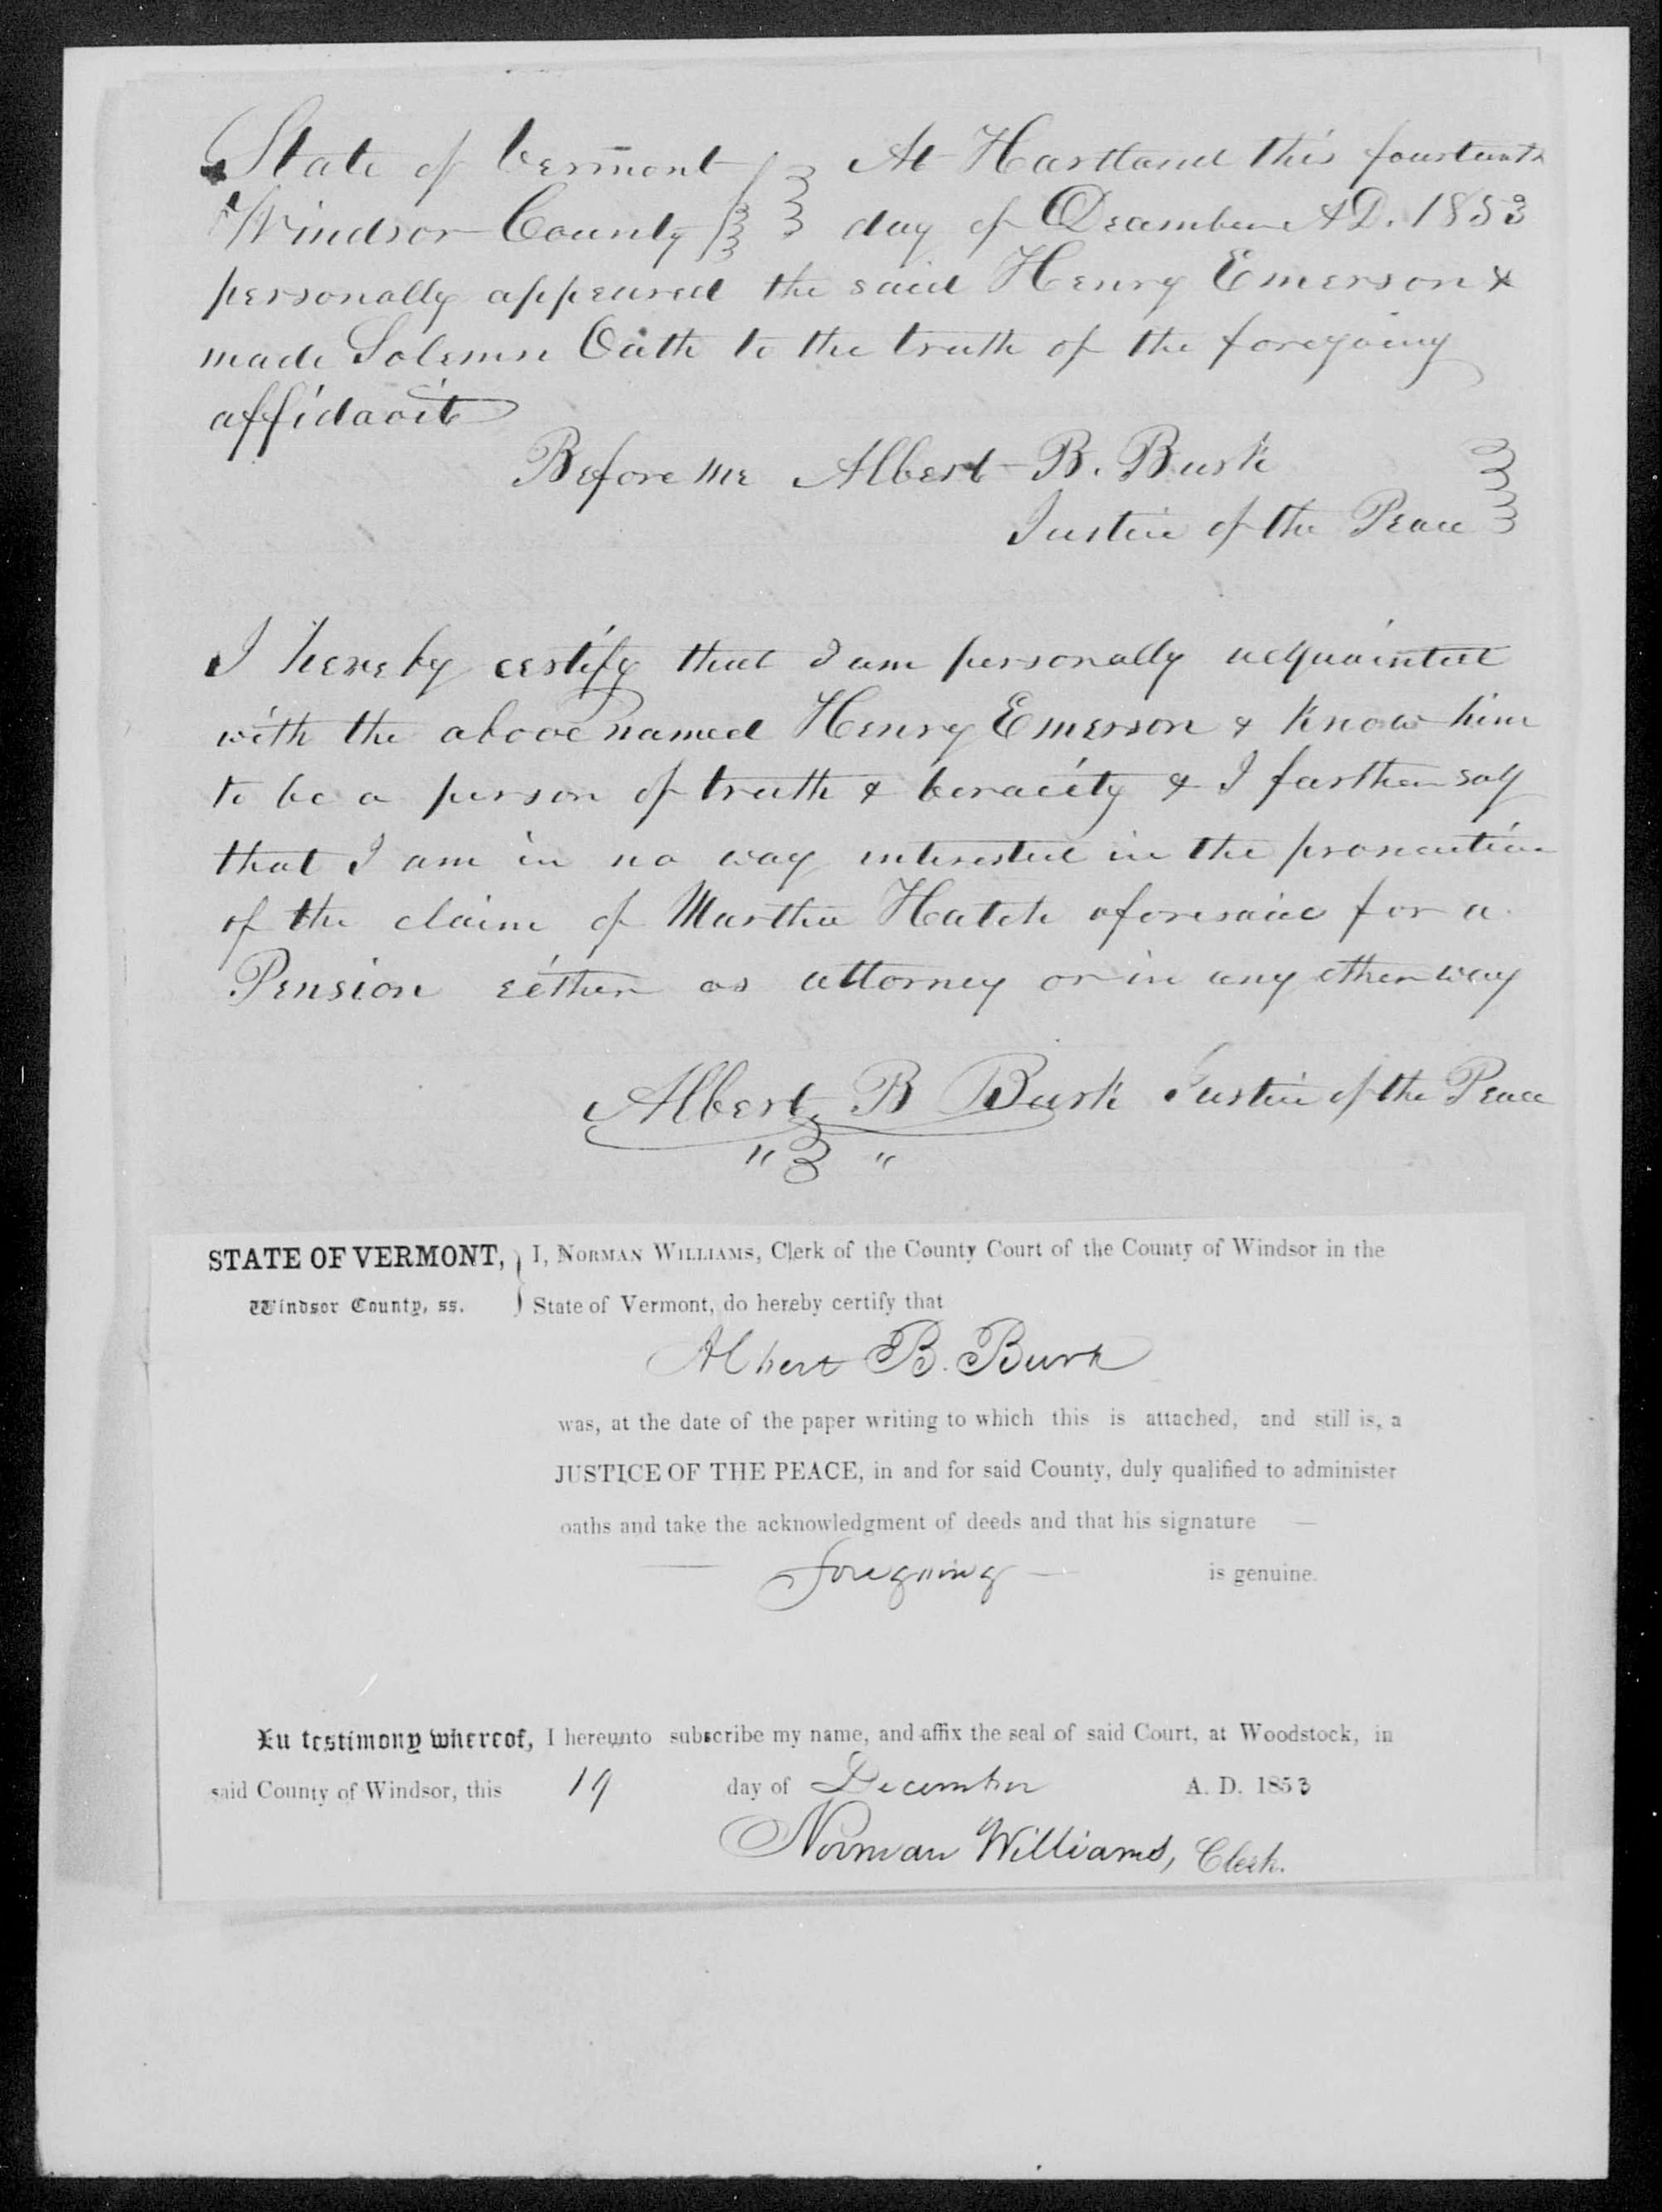State of Vermont}  
Windsor County } At Hartland this fourteenth 
day of December A.D. 1853 
personally appeared the said Henry Emerson & 
made Solemn Oath to the truth of the foregoing affidavit

Before me Albert B. Burk
Justice of the Peace

I hereby certify that I am personally acquainted 
with the above named Henry Emerson & know 
him to be a person of truth & tenacity & I further say 
that I am in no way interested in the [illegible] of the claim of Martha Hatch aforesaid for a 
Pension either as attorney or in any other way.

Albert B. Burk Justice of the Peace

STATE OF VERMONT,}  I, Norman Williams, Clerk of the County Court of the County of Windsor in the 
Windsor County, ss.}  State of Vermont, do hereby certify that

Albert B. Burk

was, at the date of the paper writing to which this is attached, and still is, a 
JUSTICE OF THE PEACE, in and for said County, duly qualified to administer 
oaths and take the acknowledgment of deeds and that his signature -
foregoing is genuine.

In testimony whereof, I hereunto subscribe my name, and affix the seal of said Court, at Woodstock, in 
said County of Windsor, this 19 day of December A.D. 1853
Norman Williams, Clerk.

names: Henry Emerson, Norman Williams, Henry Emerson, Albert B Burk, Albert B Burk, Martha Hatch, Norman Williams, Albert B Burk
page: 27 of 47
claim: widow's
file: W. 225, Gilbert Hatch, Conn.